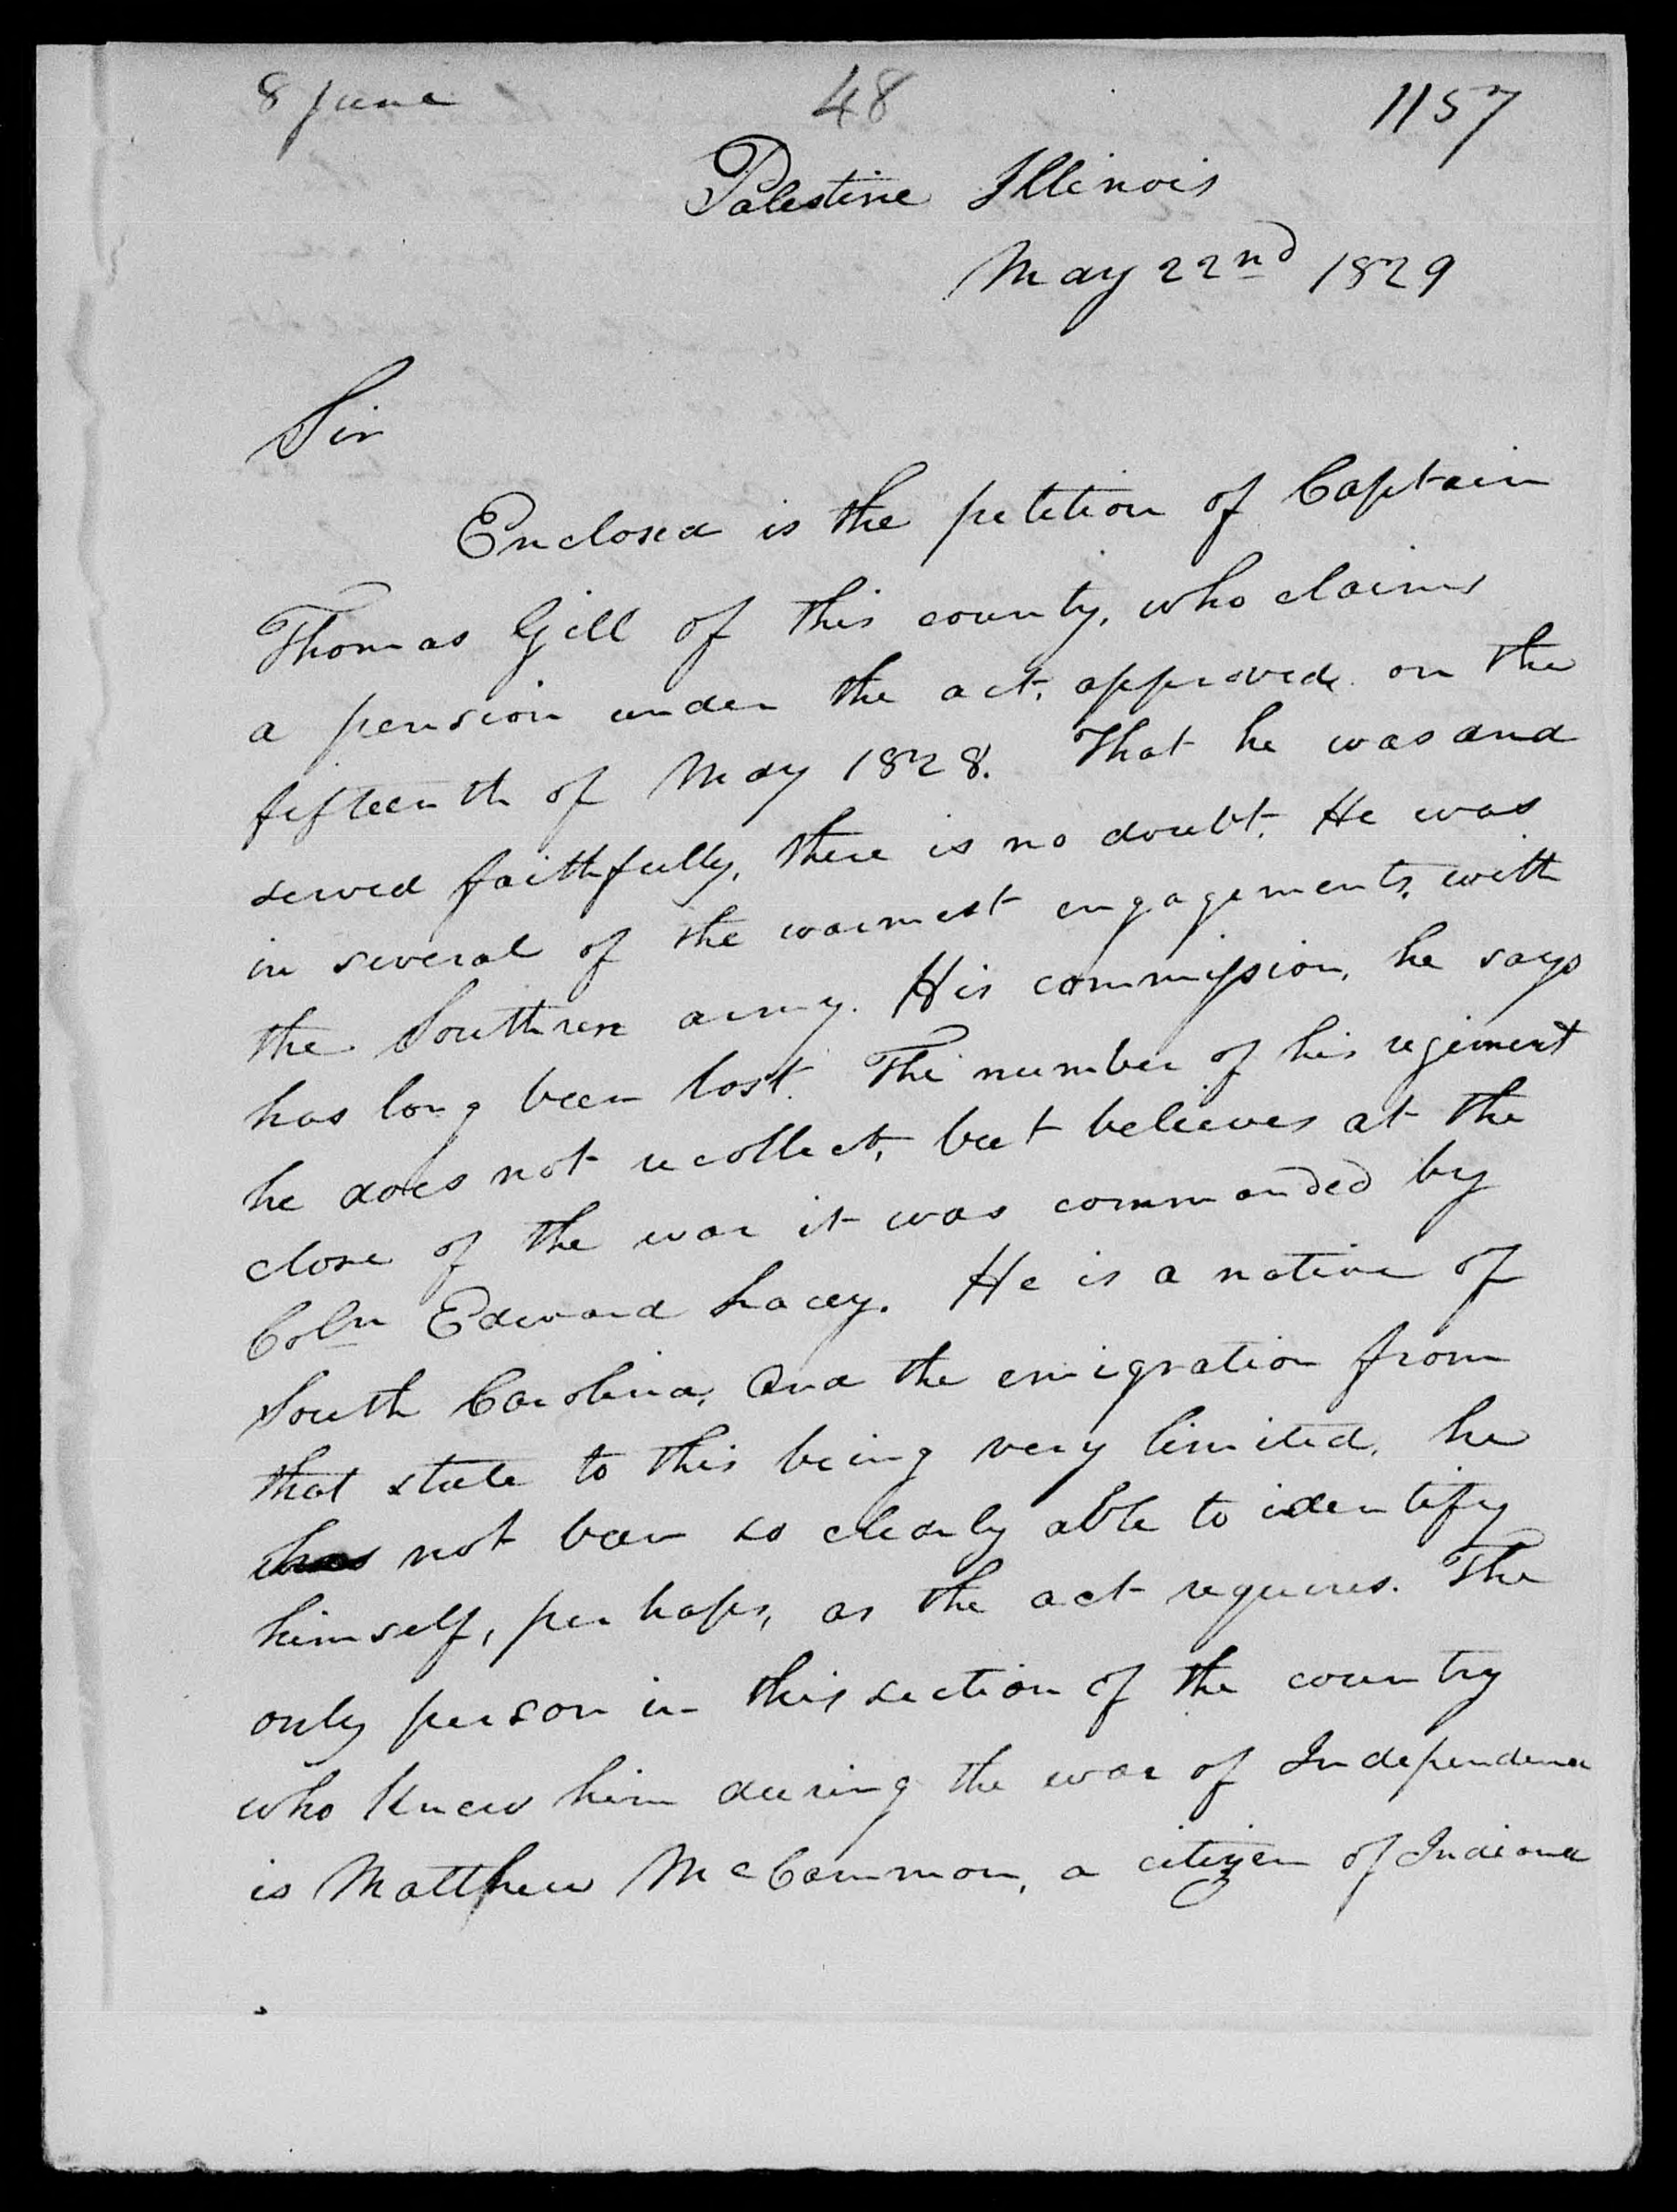8 June 48 1157
Palestine Illinois May 22nd 1829
Sir Enclosed is the petition of Captain
Thomas Gill of this county, who claims a pension under the act approved on the fifteenth of May 1828. That he was and served faithfully, there is no doubt. He was
in several of the warmest engagements with the Southern army. His commission he says has long been lost. The number of his regiment he does not recollect, but believes at the close of the war it was commanded by Col Edward Lacey. He is a native of South Carolina, and the emigration from that state to this being very limited, he has not been so clearly able to identify himself, perhaps, as the act requires. The
only person in this section of the country who knew him during the war of Independence is Matthew McCammon a citizen of Indiana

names: Matthew Mc Cammon, Edward Lacey, Thomas Gill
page: 35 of 44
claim: survivor's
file: S. 31,061, Thomas Gill, S.C.